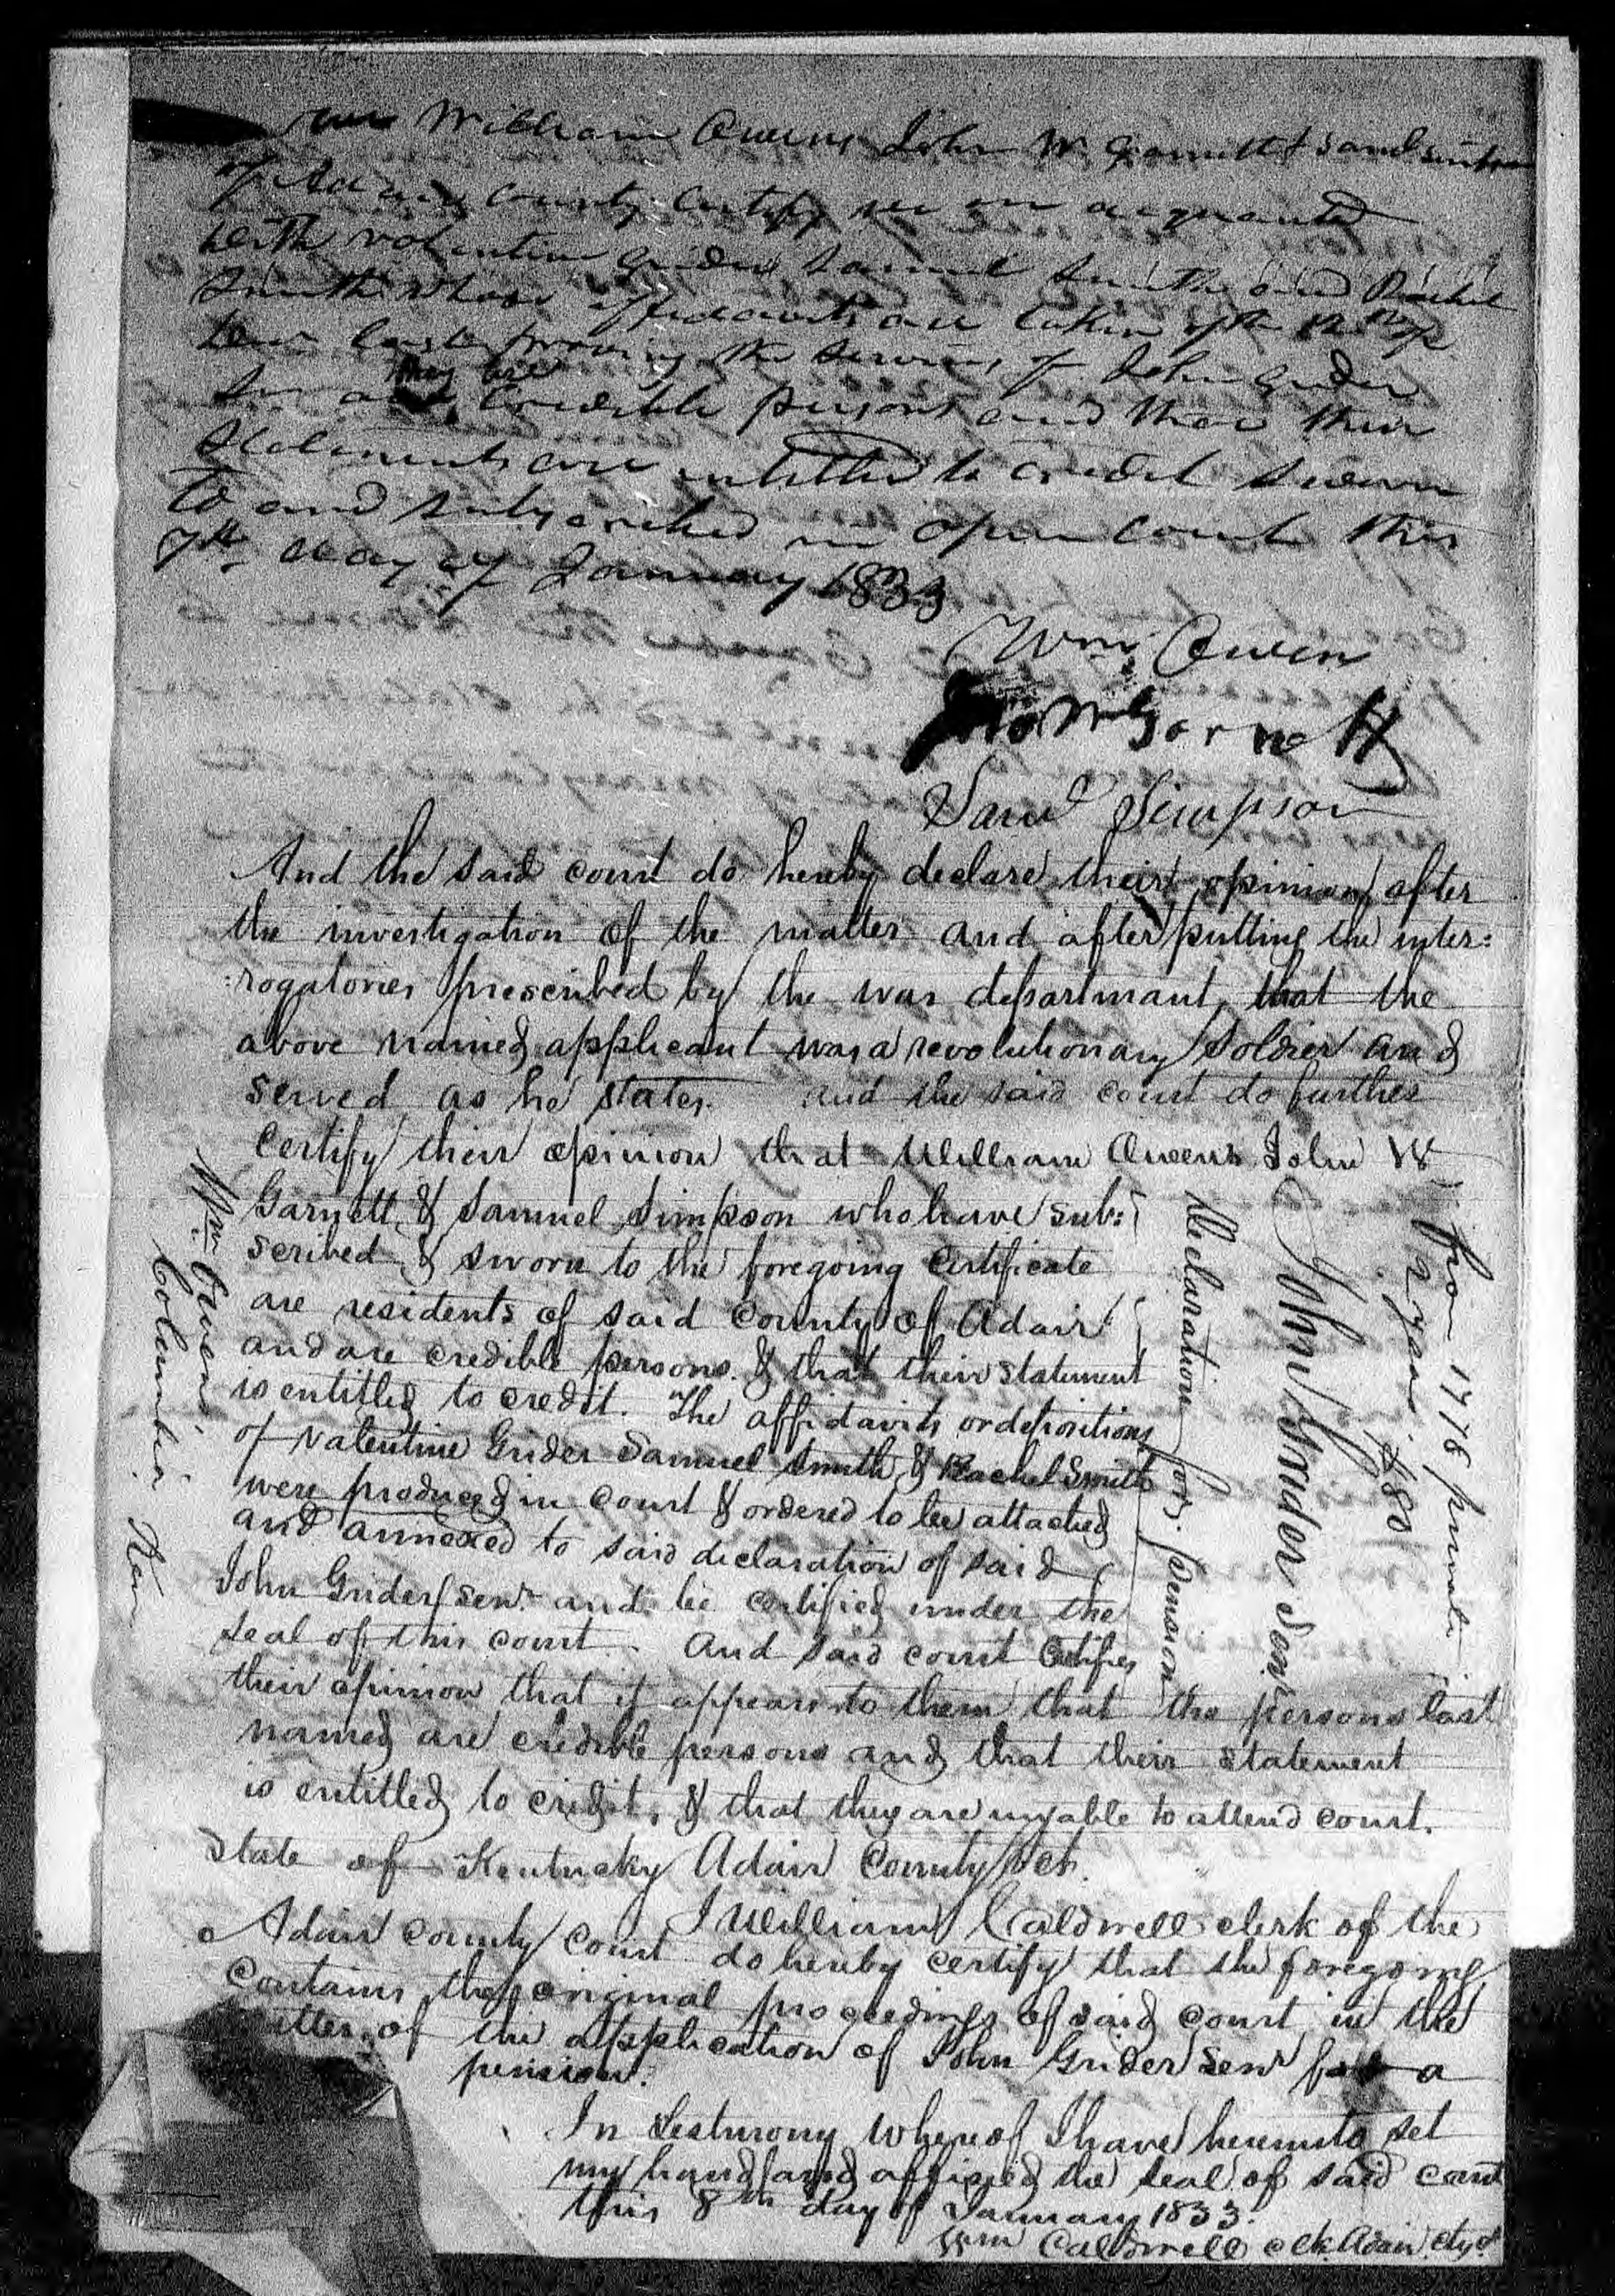We William Owens, John W Garrett and Samuel Simpson of [illegible] and county certify we are acquainted with Valentine Grider Samuel Smith and RAchel Smith whose affidavits are taken of the [illegible][illegible][illegible] sworn in the service, of John Grider. [illegible] a they are credible persons and that their statements are entitled to credit sworn to and subscribed in open court this 7th day of January 1833. [signed] Wm Owens, Jno Garrett Saml Simpson

And the said cort do hereby declare their opinion after the investigation of the matter and after putting the interrogatories prescribed by the war department that the above named applicant was a revolutionary soldier and served as he states. and the said court do further certify their opinion that William Owens John W. Garrett and Samuel Simpson who have subscribed and sworn to the foregoing certificate are residents of said county of Adair and are credible persons and  that their statement is entitled to credit.  The affidavits or [illegible] of Valentine Grider Samuel Smith and Rachel Smith were produced in court and ordered to be attached and annexed to said declaration of said John Grider Sen. and be certified under the seal of this court. And said Court certifies their opinion that it appears to them that the persons las named are credible persons and that their statement is entitled to credit. and That they are unable to attend court. 
State of Kentucky  Adair County Set.

I William Caldwell clerk of the Adair County court do hereby certify that the foregoing contains the original proceedings of said court in the matter of the application of John Grider senr. for a pension.
In testimony whereof I have hereunto set my hand and [illegible] affixed the seal of said court this 8th day of January 1833. Wm. Caldwell Ck Adair Cty [illegible]



[written on right side of page ]
From 1778 [illegible]
2 year $80
John Grider Senr 
Declaration for pension

[on left side of page]
Wm Owens
Columbia, ken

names: Rachel Smith, William Owens, Wm Caldwell, John Grider, Valentine Grider, Samuel Smith, Saml Simpson, Wm Owen, William Owens, Wm Owens, Jno W Garnett, John W Garnett, Samuel Simpson, John Grider, William Caldwell, John Grider, John Grider, Saml Simpson, Volentine Grider, Samuel Smith, Rachel Smith, John W Garnett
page: 11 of 91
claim: widow's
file: W 358, John Grider, N.C.